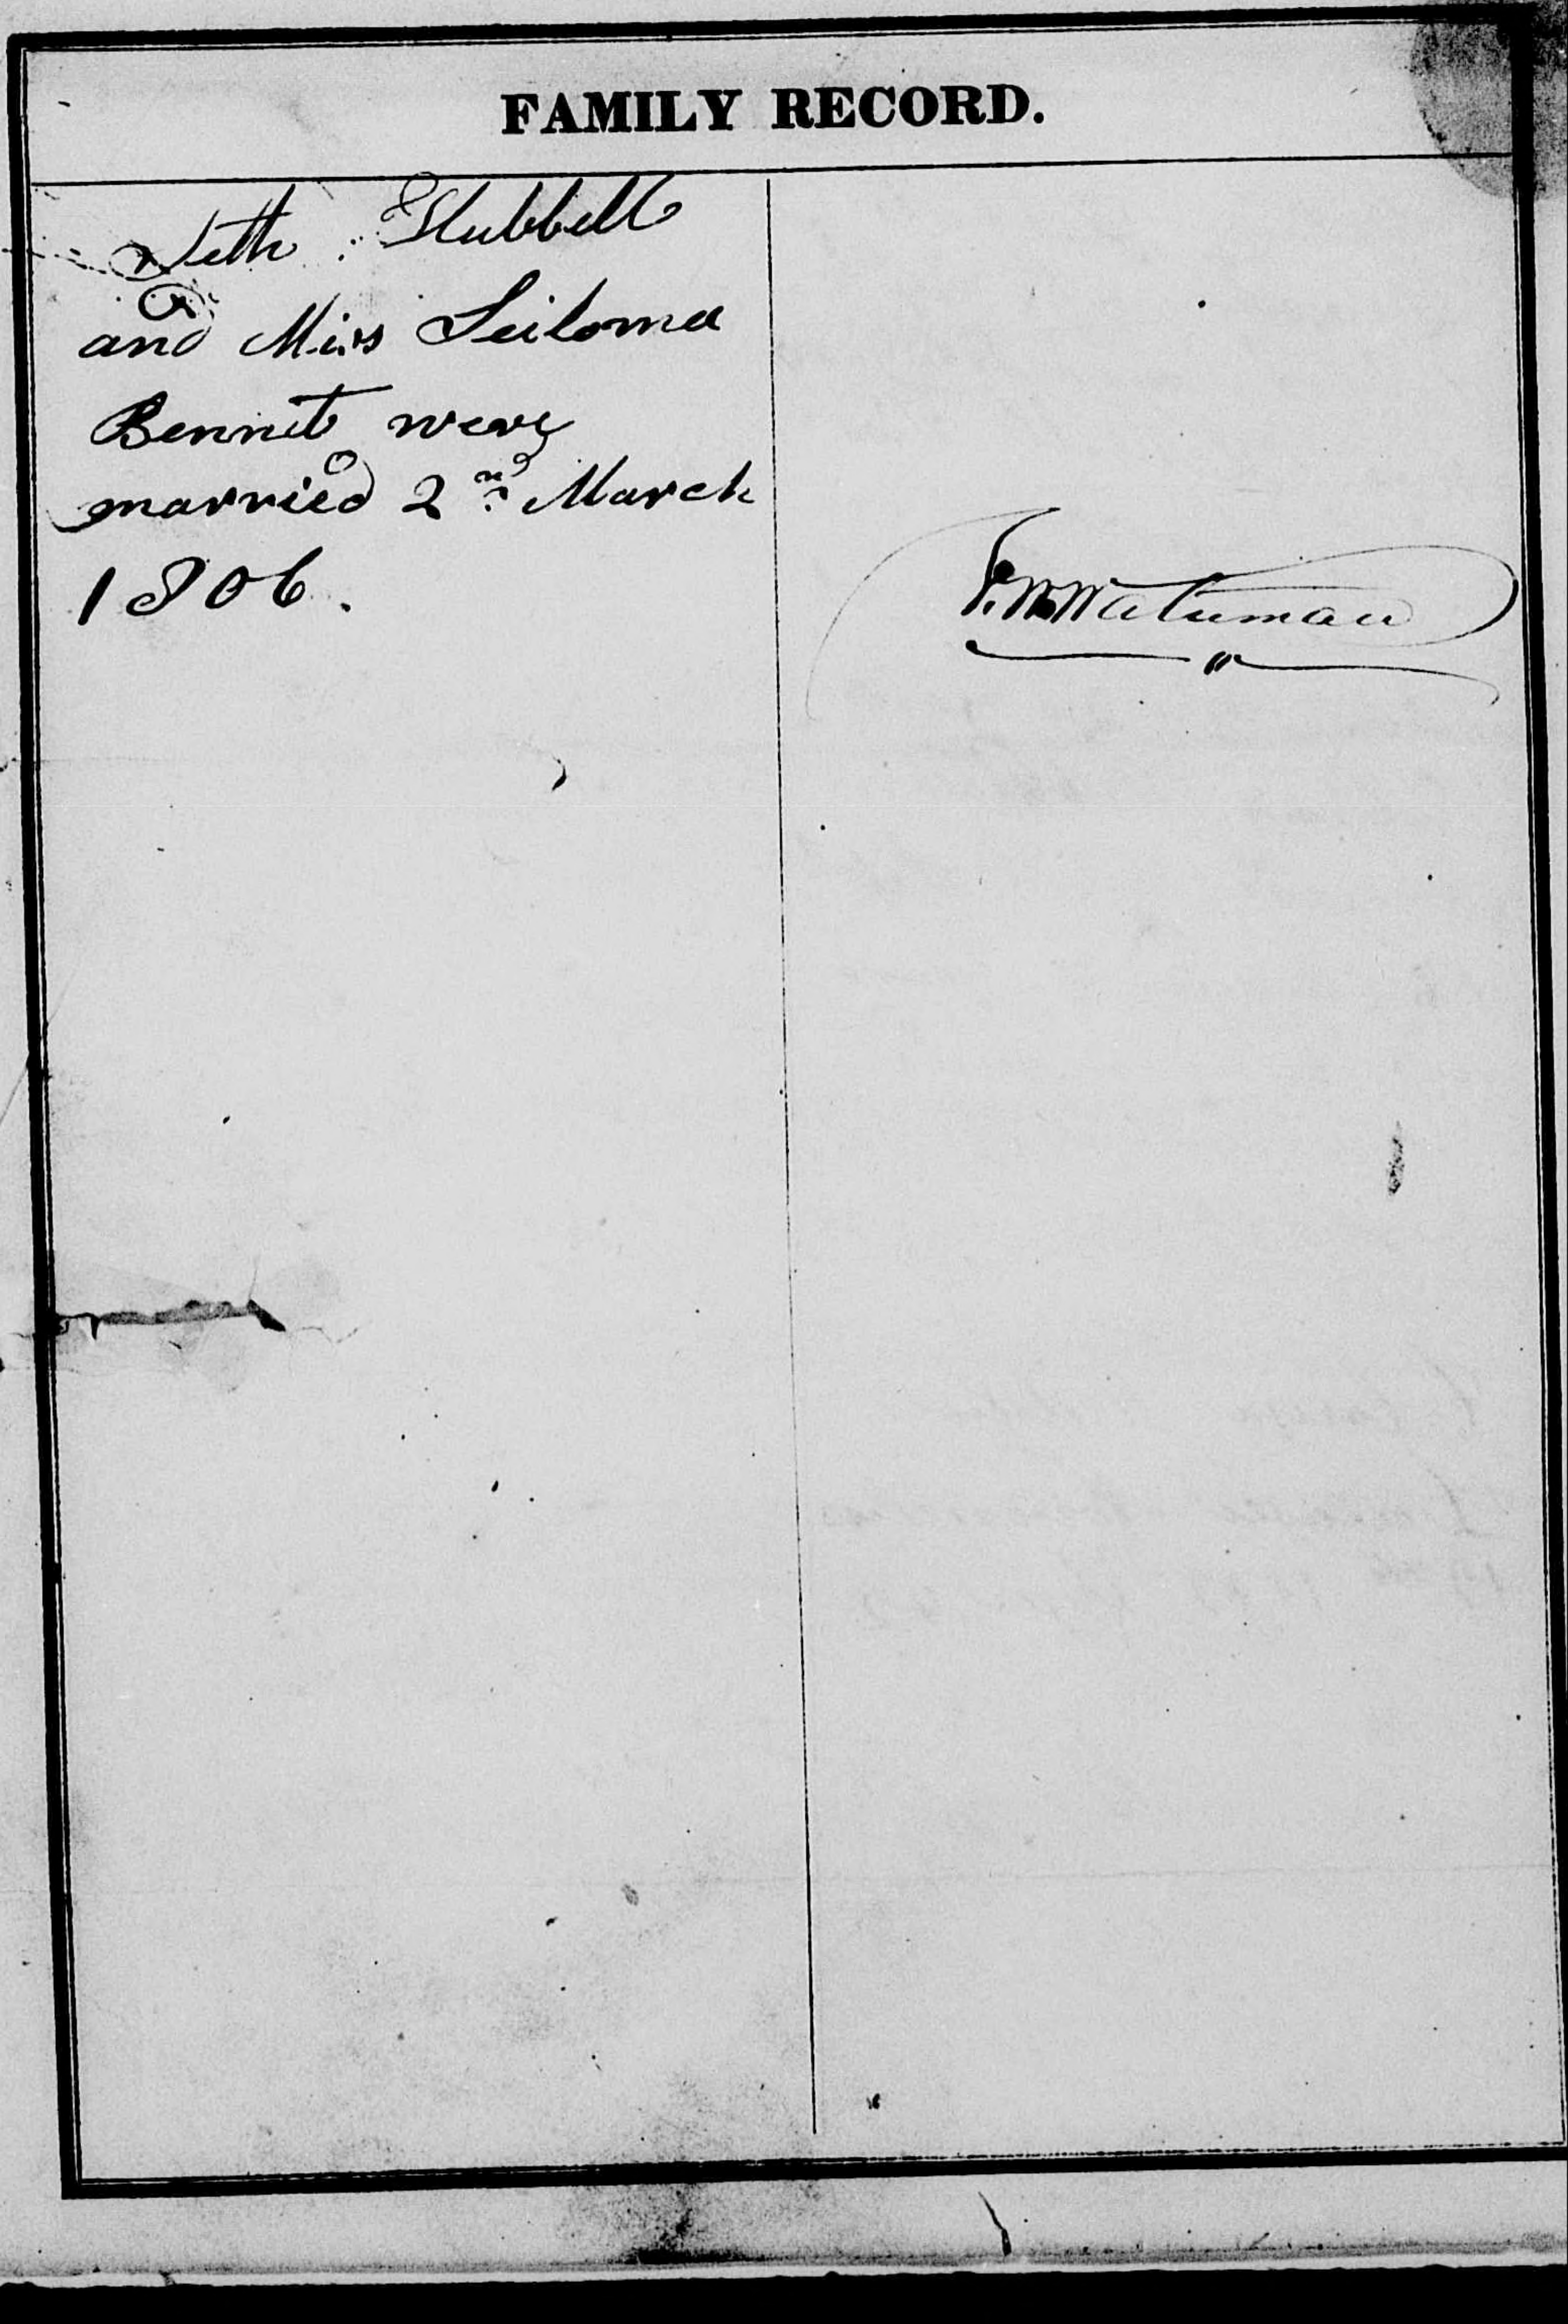Seth Hubbell
and Miss Salome
Bennet were 
married 2nd March
1806.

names: V W Waterman, Seth Hubbell, Seiloma Bennet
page: 8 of 114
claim: widow's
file: W. 2115, Seth Hubbell, Conn.